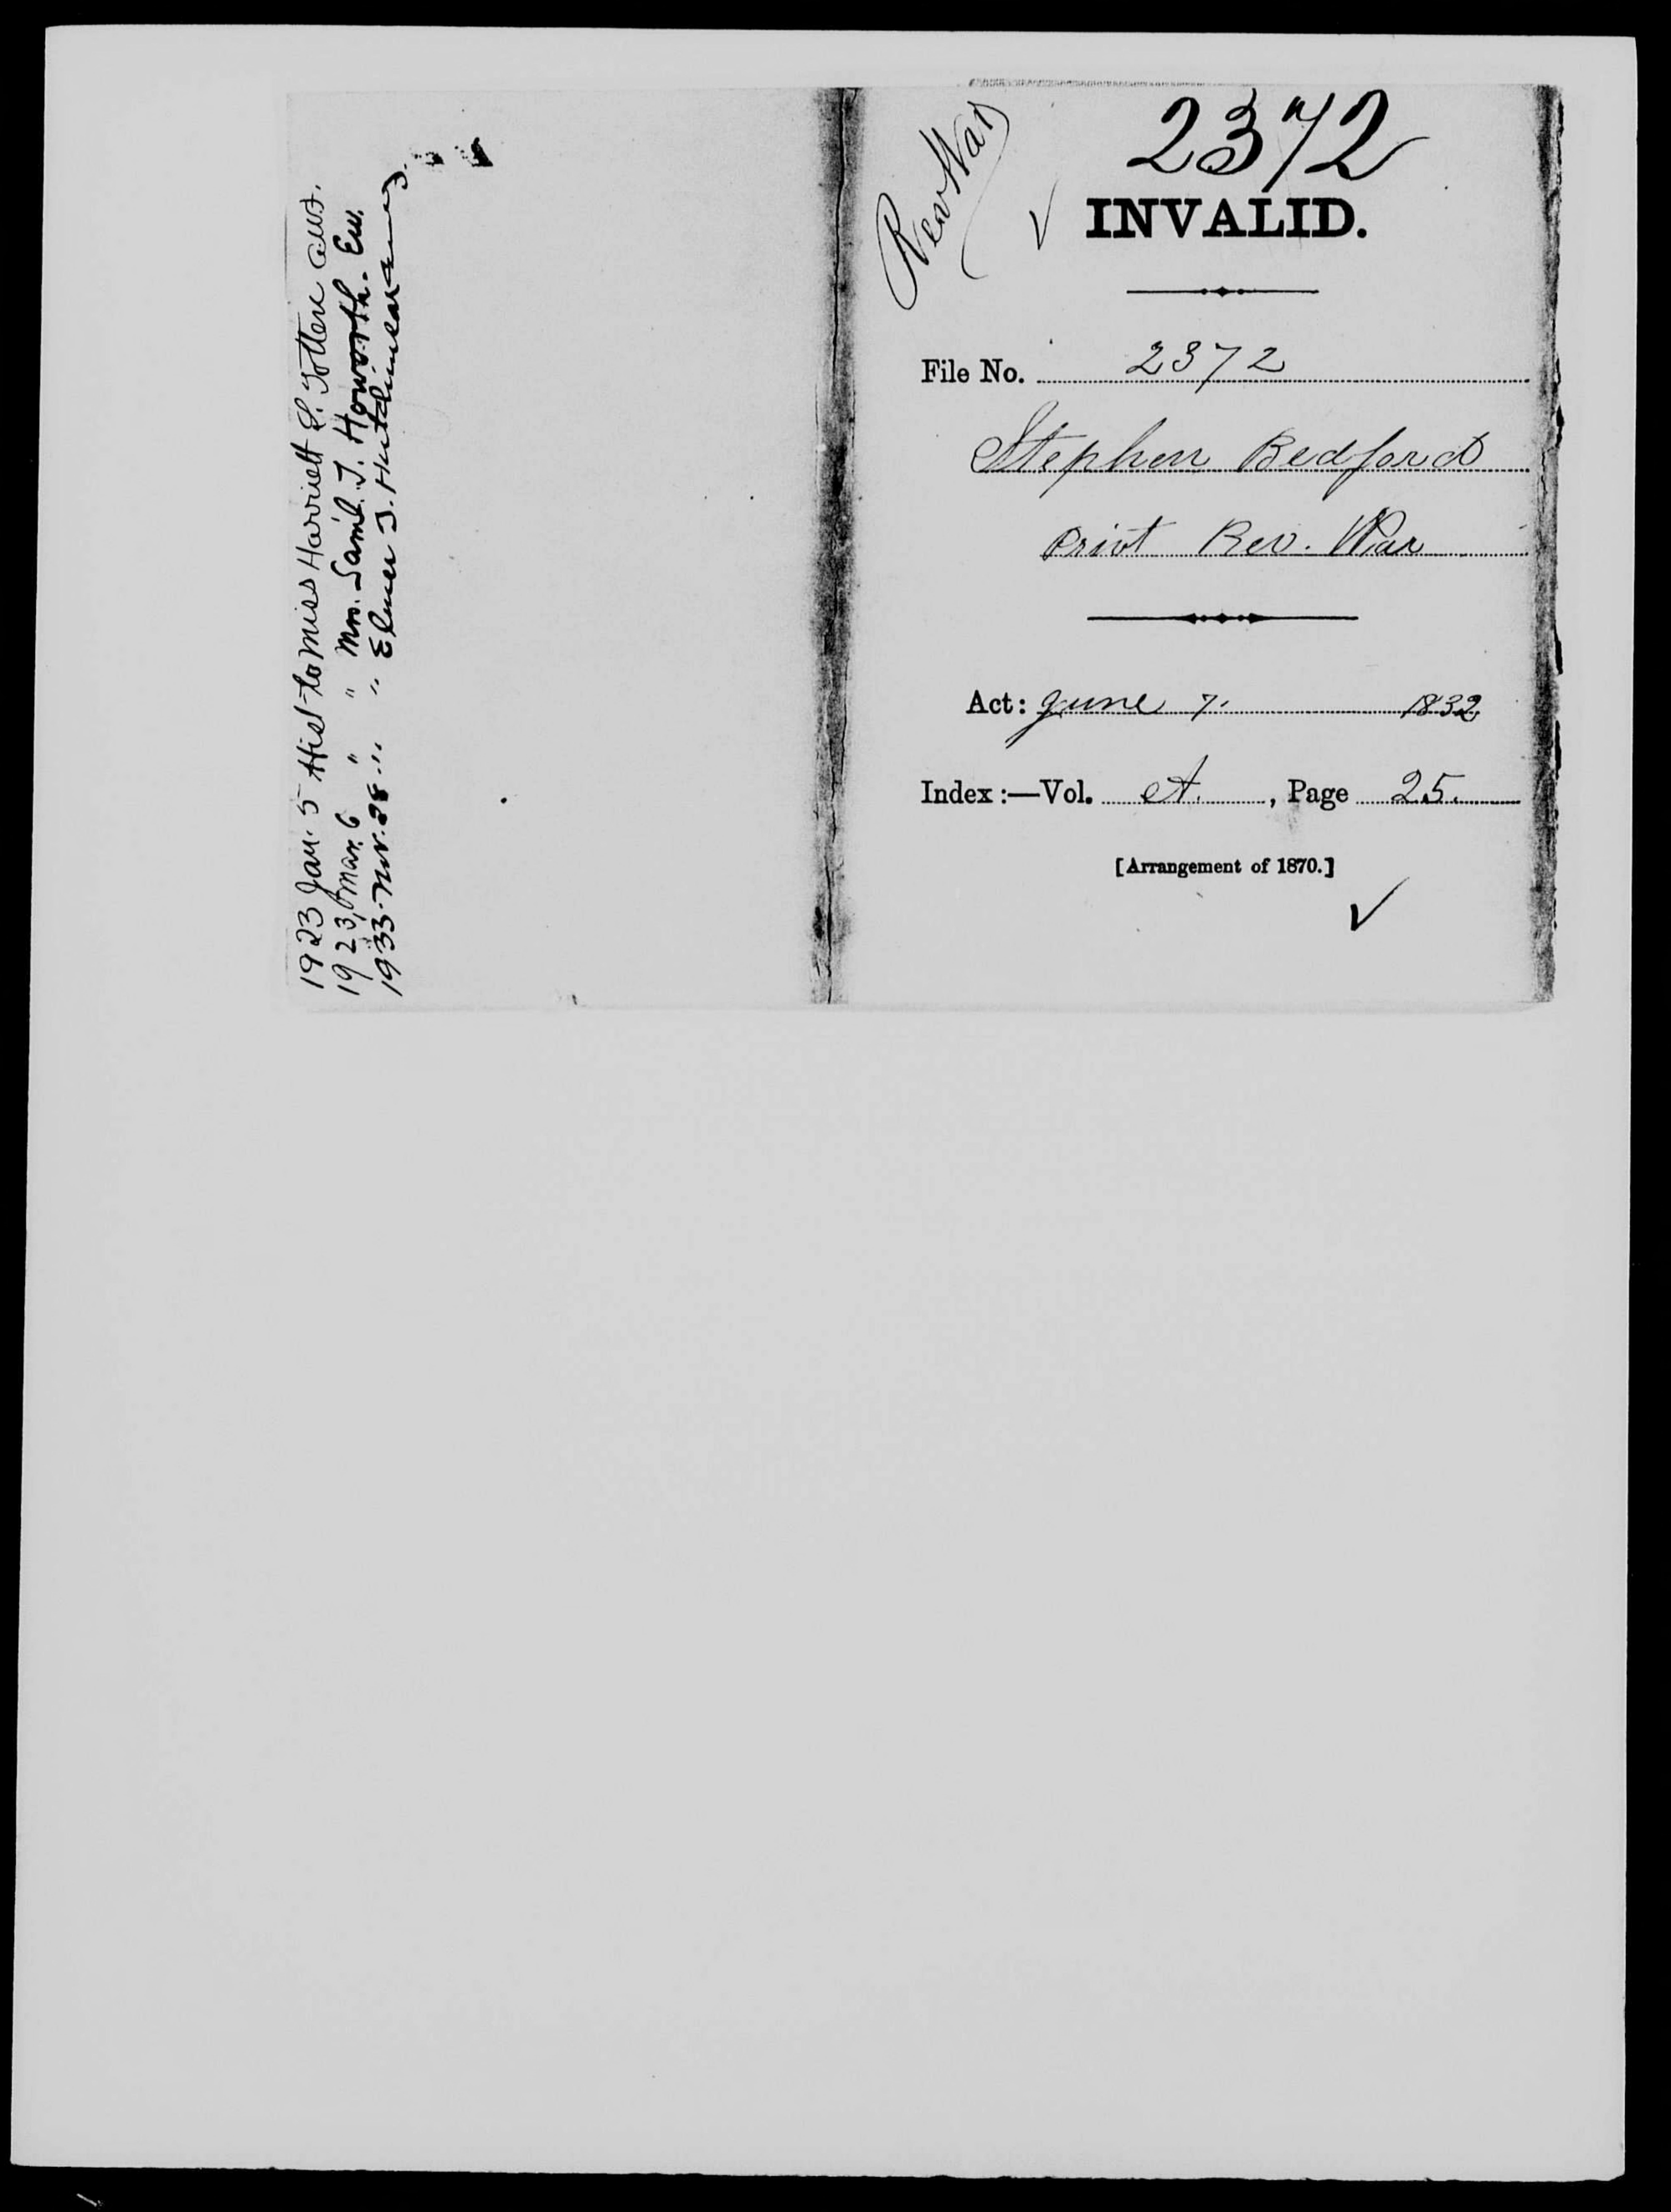2372
Rev War
INVALID
File No. 2372
Stephen Bedford
Privt Rev War

Act: June 7 1832
Index: - Vol. A, Page 25
[Arrangement of 1870]

[on side]

1923 Jan 5 Hist to Miss Harriet L. Totten  AWF
1923 Mar 6  "  Mrs Saml T Howorth  Ew.
1933 Nov 28  "  Elmer T Hutchinson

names: Saml T Howorth, Harriett L Totten, Stephen Bedford, Elmer T Hutchinson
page: 18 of 31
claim: survivor's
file: S. 2372, Stephen Bedford, New Jersey